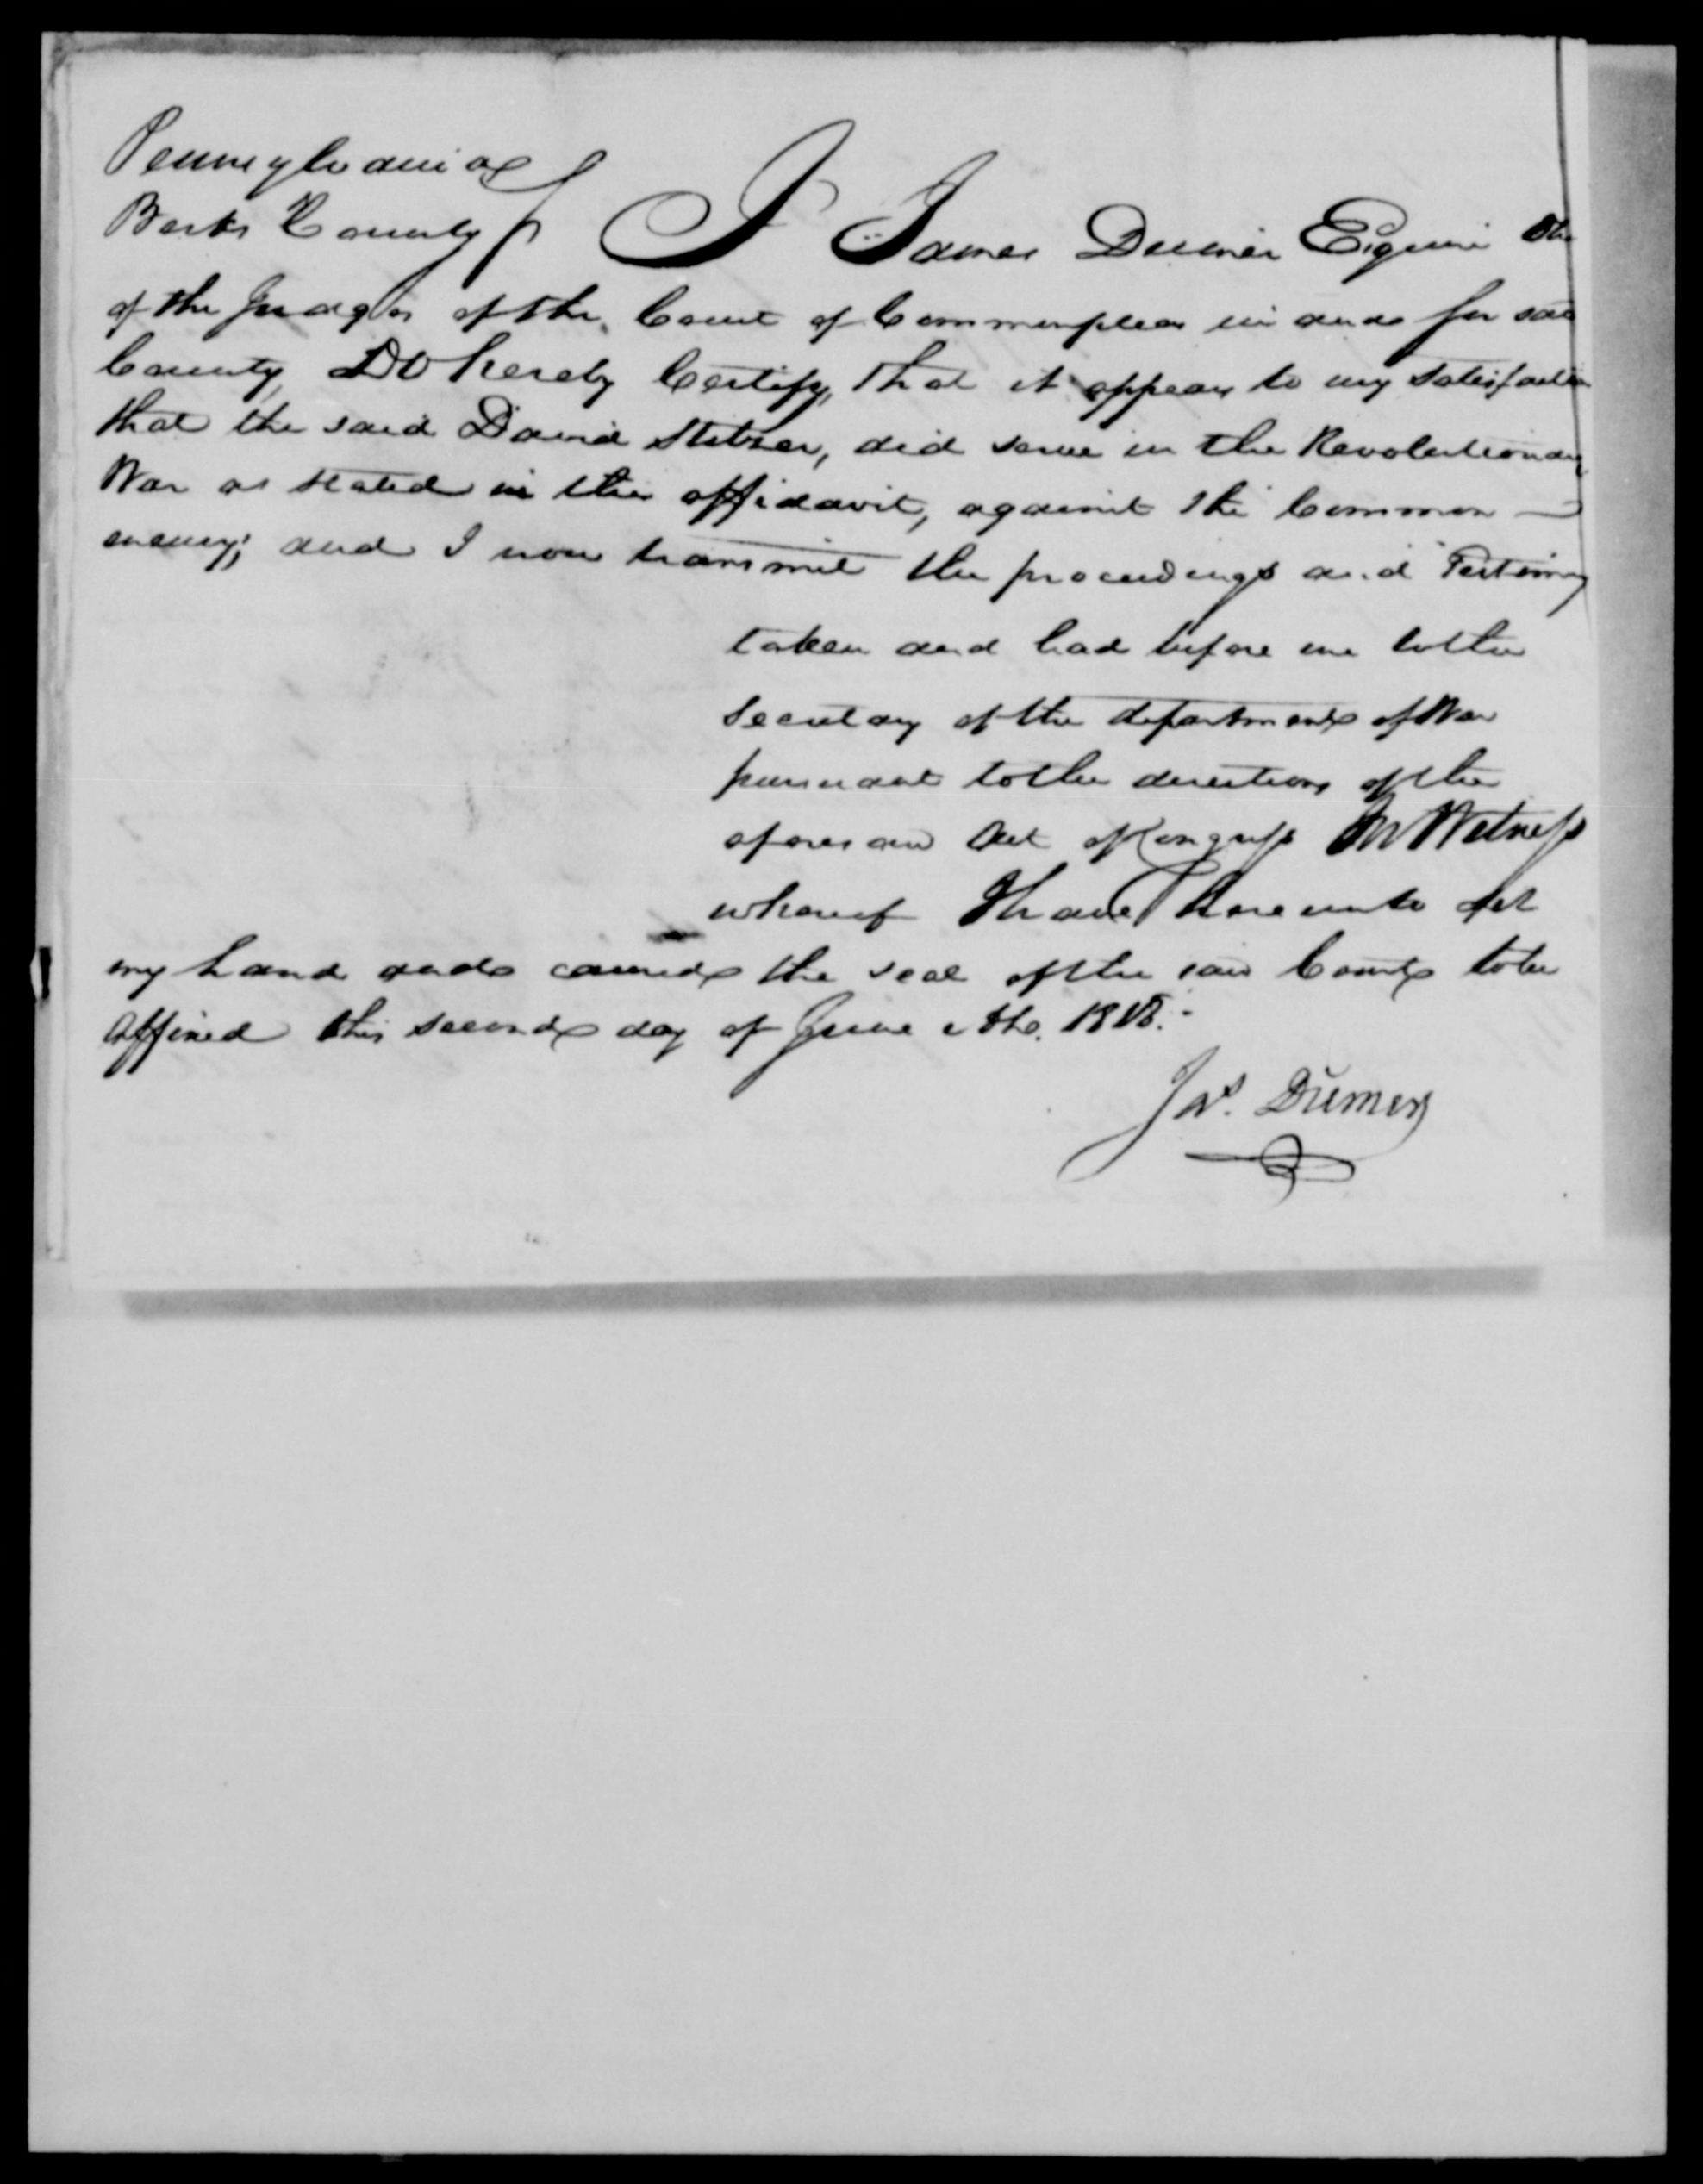Pennsylvania
Berks County, SS.
I, James Deimer, Esquire, one of the Judges of the Court of Common pleas in and for said County, do hereby certify that it appears to my satisfaction that the said David Statser did serve in the Revolutionary War as stated in the affidavit, against the Common enemy and I now transmit the proceedings and testimony taken and had before me to the Secretary of the department of War pursuant to the direction of the aforesaid act of Congress.
In Witness whereof, I have hereunto set my hand and caused the seal of the said County to be affixed this second day of June AD. 1818.
Jas. Diemer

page: 9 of 28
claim: widow's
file: W. 3163, for David Statser, Pennsylvania